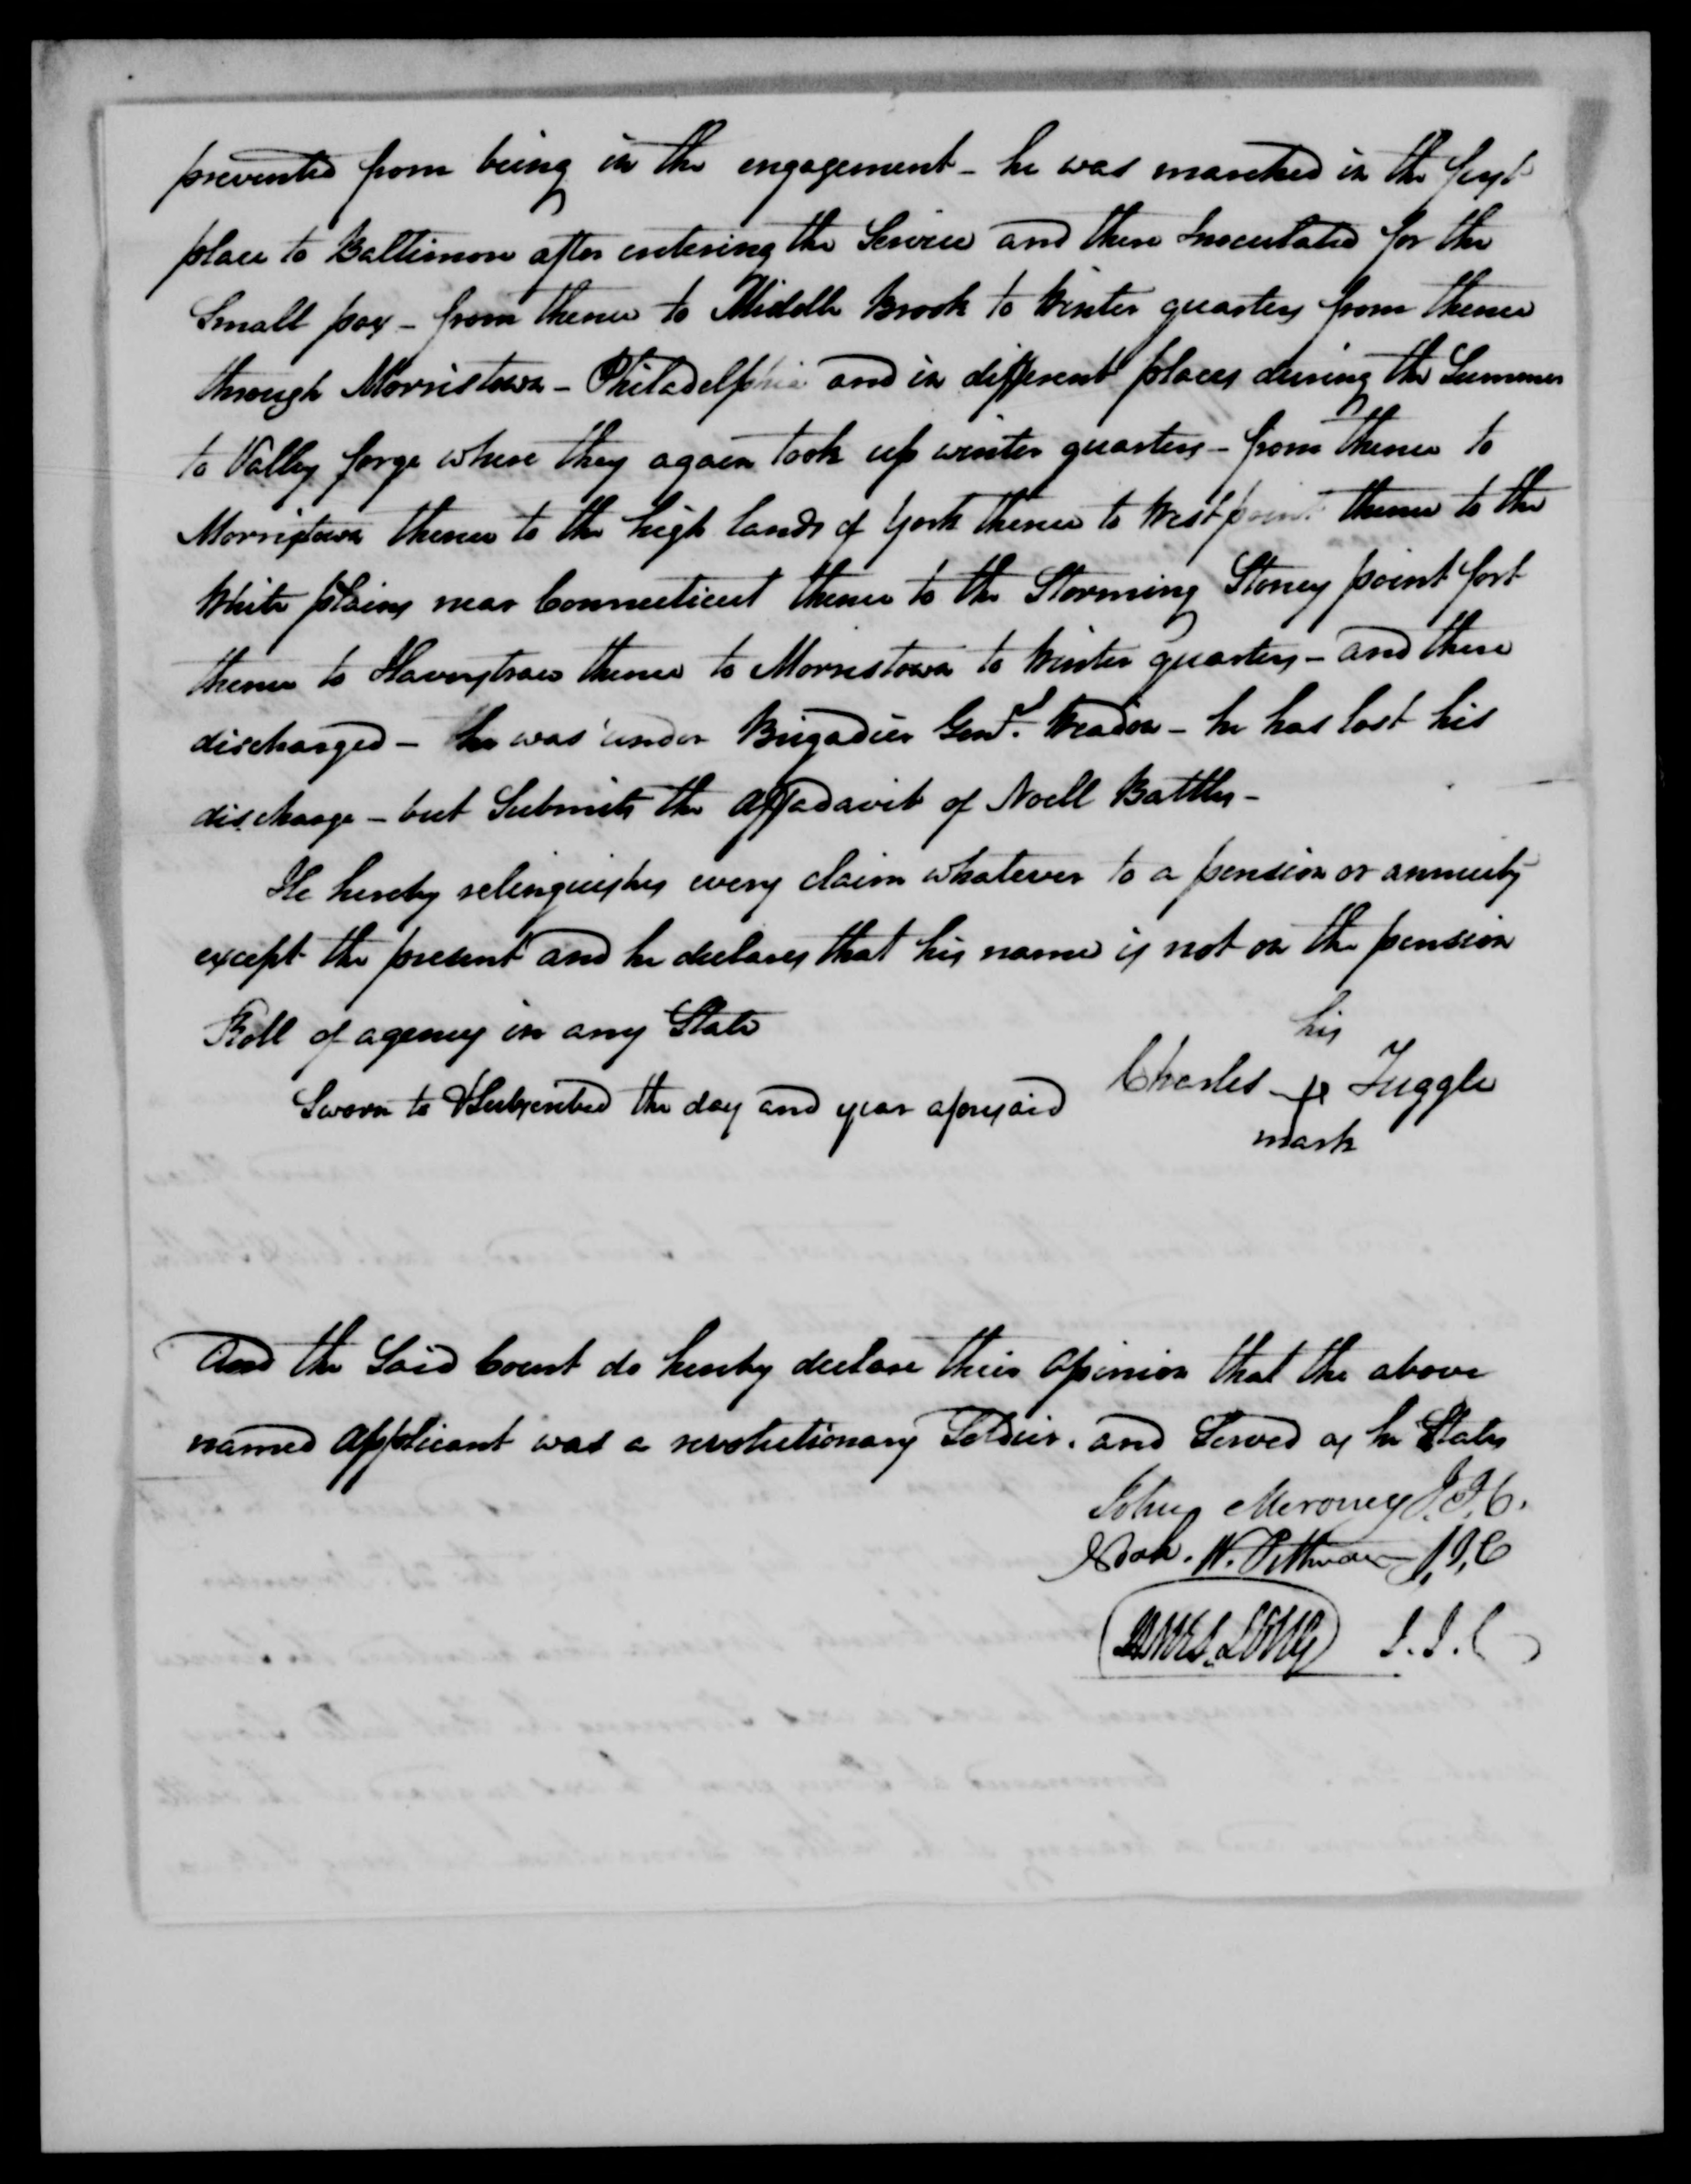prevented from being in the engagement - he was marched in the first
place to Baltimore after entering the service and there inoculated for the
Small pox - from thence to Middle Brook to winter quarters from thence
through Morristown - Philadelphia and in different places during the Summer
to Valley Forge where they again took up winter quarters - from thence to
Morristown thence to the high lands of York thence to West Point. Thence to the White Plains near Connecticut thence to the storming Stoney point fort
thence to Haverstraw thence to Morristown to Winter quarters - and there
discharged - he was under Brigadier Gen. [illegible] - he has lost his
discharge but submitted the affidavit of Noell Battles.
He hereby relinquishes every claim whatever to a pension or annuity
except the present and he declares that his name is not on the pension
Roll of agency in any State
Sworn to & subscribed this day and year aforesaid
Charles Tuggle
his mark
And the said Court do hereby declare their opinion that the above
named applicant was a revolutionary Soldier and served as he States
John Maroney J.F.C.
Noah W. Pittman J.F.C
[illegible] J.F.C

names: John Meroney, Weaden, Noah W Pittman, Charles Tuggle, James Lovely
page: 8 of 23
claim: survivor's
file: S. 32559, Charles Tuggle, Va.